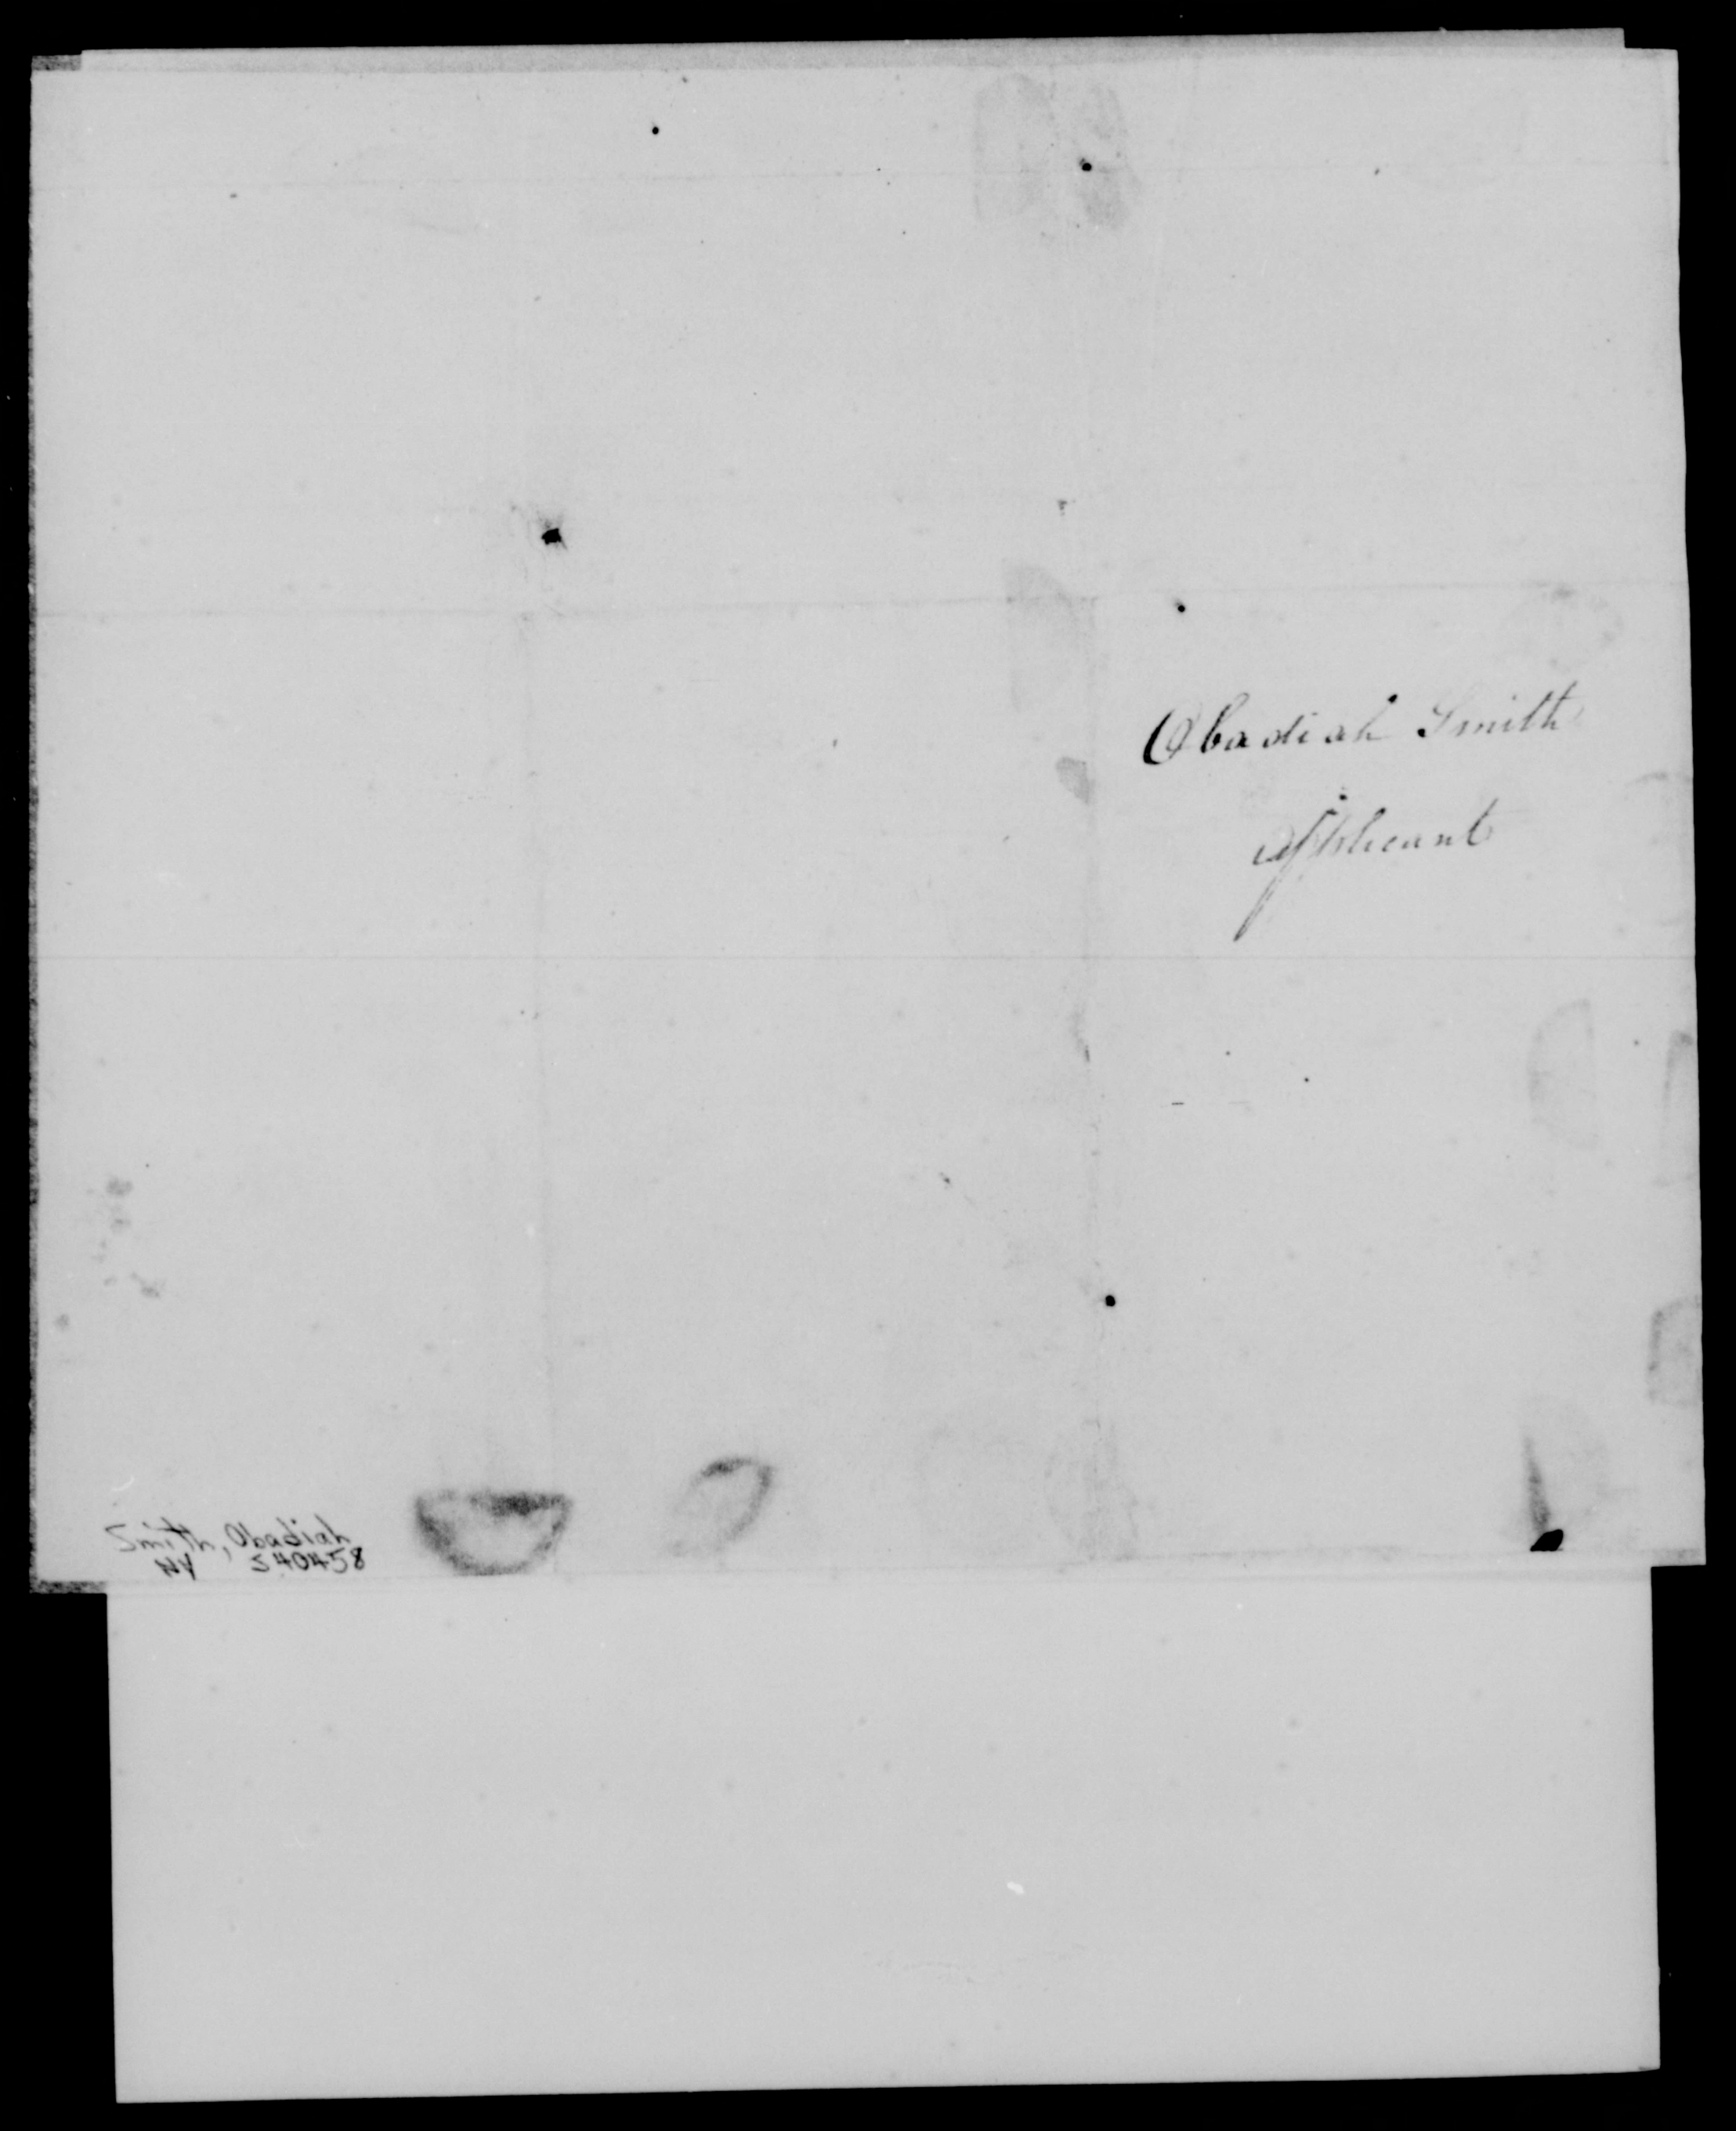Smith, Obadiah N Y S540458 
Obadiah Smith Applicant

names: Obadiah Smith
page: 18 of 66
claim: survivor's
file: S 40458, for Obadiah Smith, New York